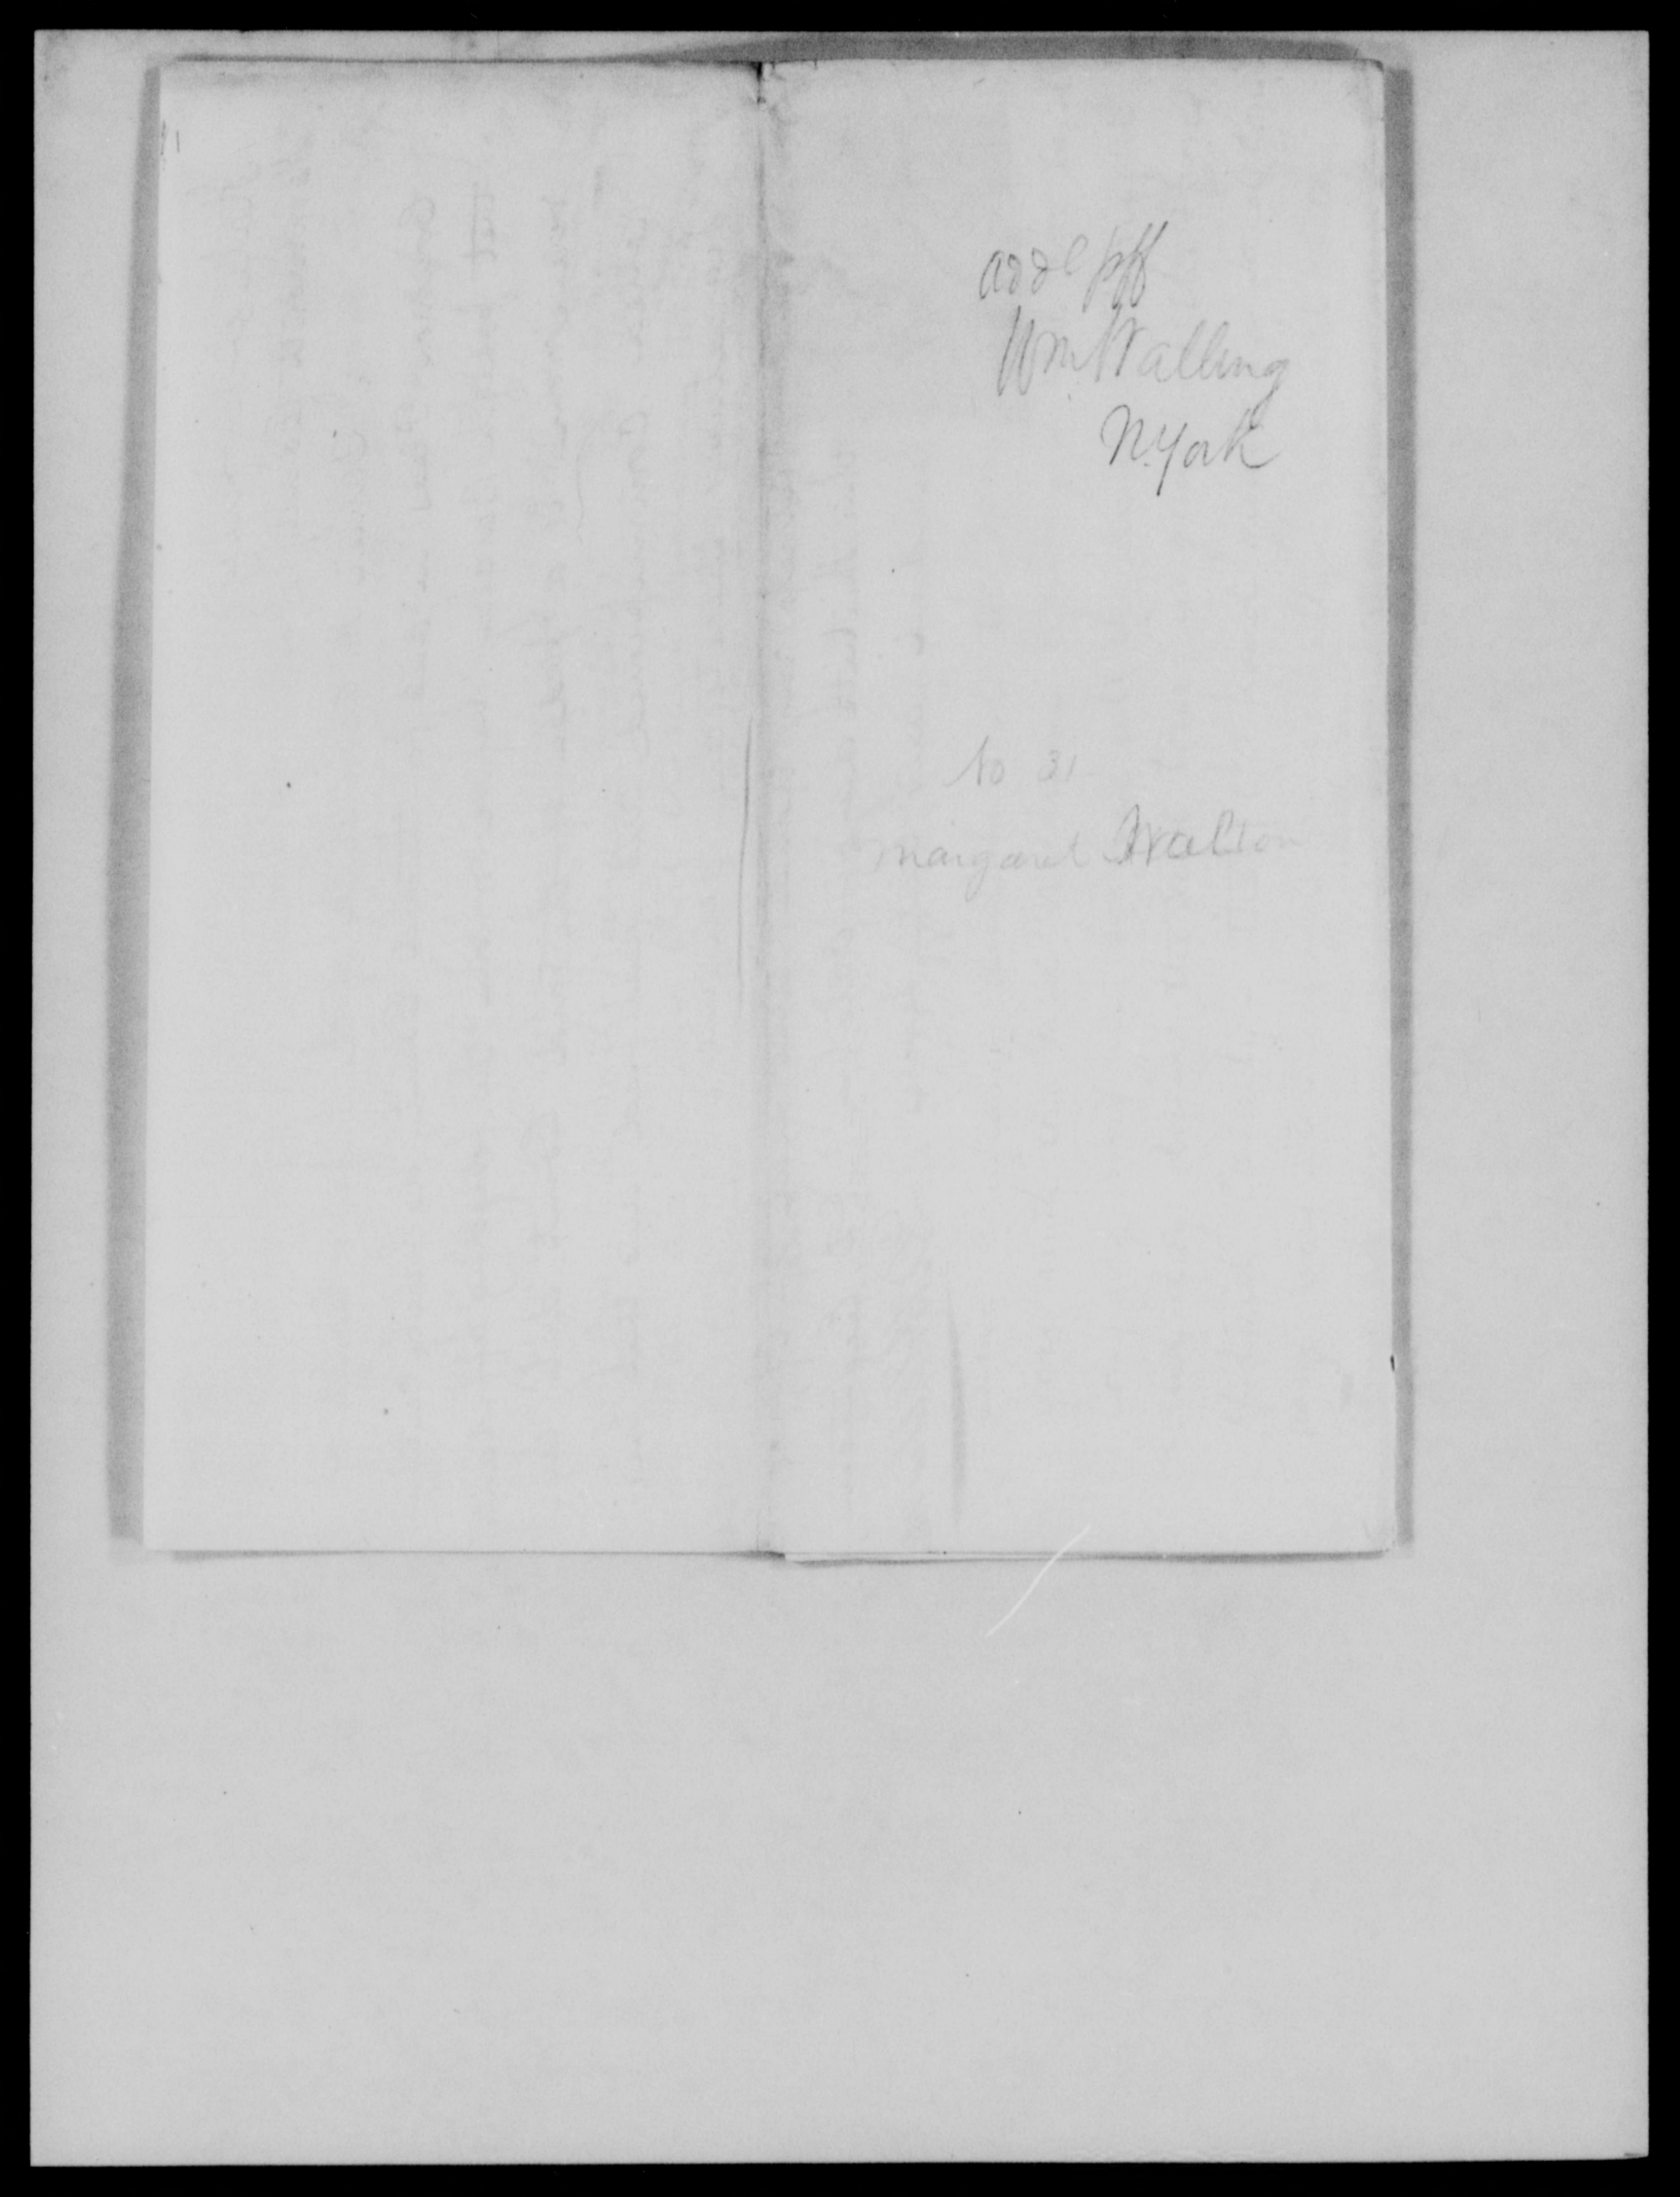(illegible)
Wm Walling
N York
No. 31
Margaret Walton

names: Margaret Walling, Wm Walling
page: 35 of 66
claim: widow's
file: W. 19588, William Walling, New Jersey